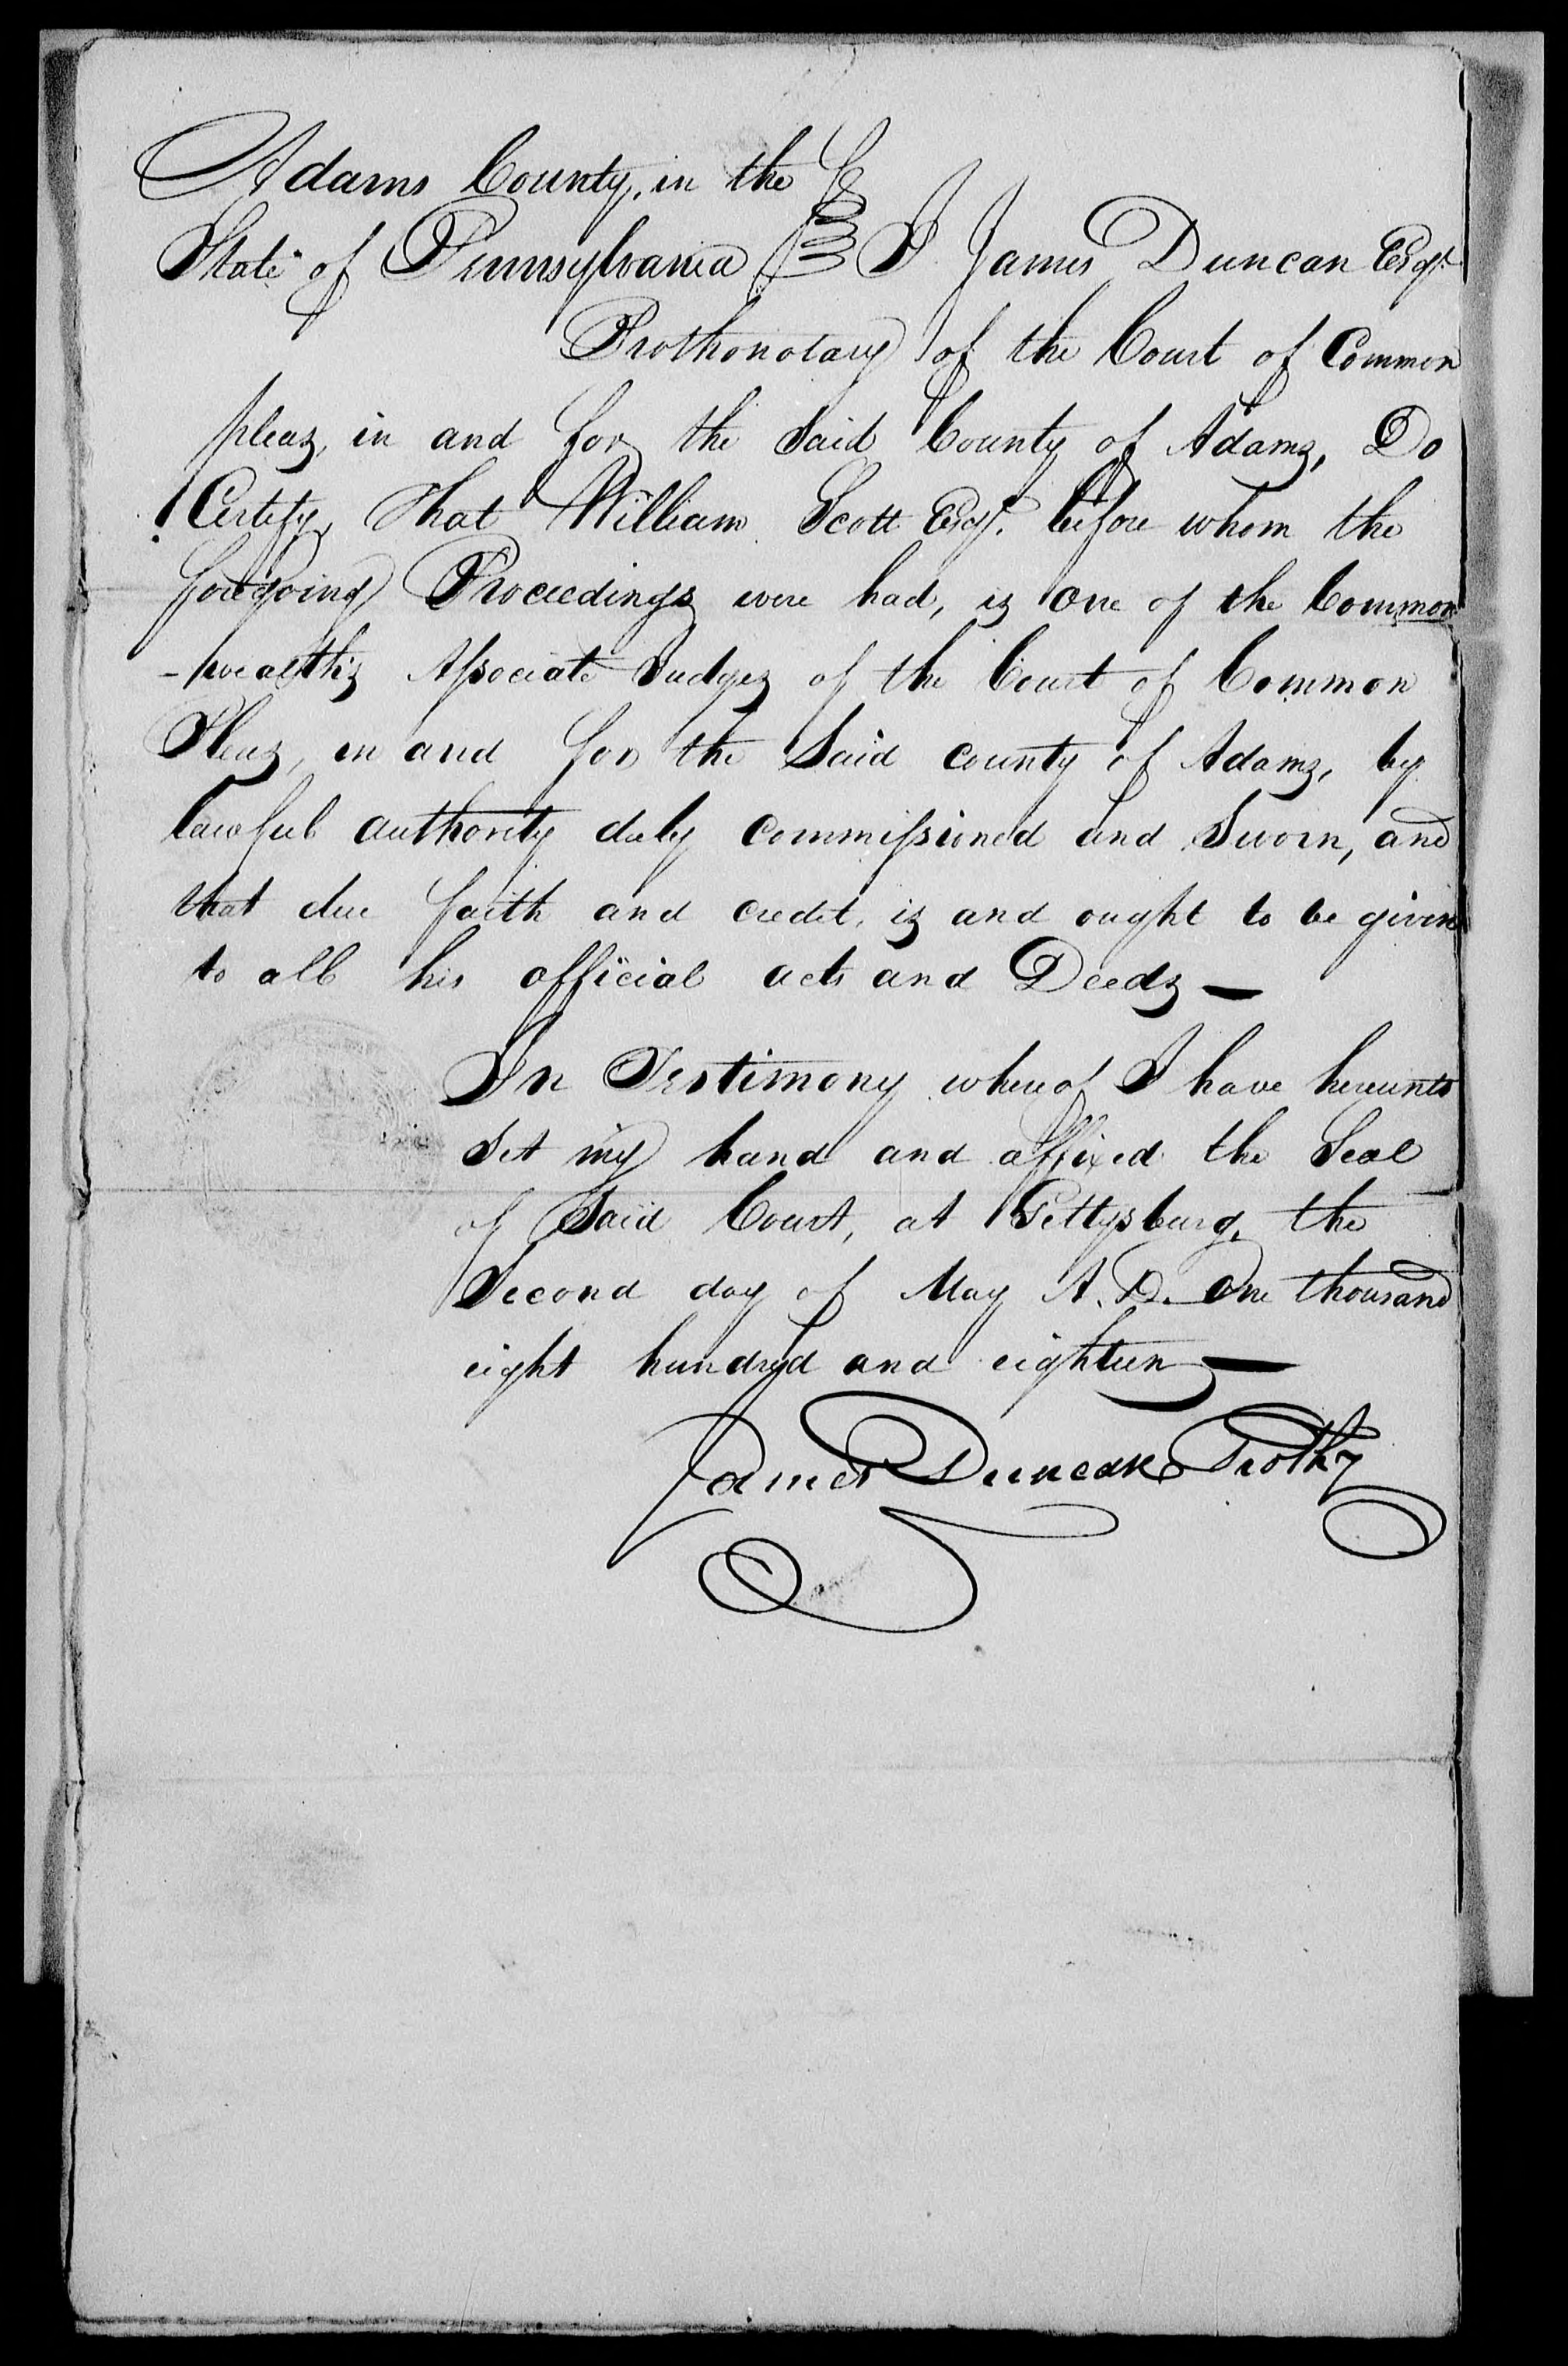Adams County, in the State of Pennsylvania 
I James Duncan Esq Prothonotary of the Court of Common Pleas in and for the said county of Adams Do Certify that William Scott Esq before whom the foregoing Proceedings were had, is one of the Commonwealths Associate Judges of the Court of Common Pleas, in and for the Said county of Adam, by lawful authority duly commissioned and Sworn, and that due faith and credit, is and ought to be given to all his official acts and Deeds - 
In Testimony whereof I have hereunto Set my hand and affixed the Seal of Said Court, at Gettysburg, the Second day of May A.D. one thousand eight hundred and eighteen - 
[signed] James Duncan Prothy
[seal affixed left side]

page: 8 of 19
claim: survivor's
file: S. 40,146, for Robert Mc Laughlin, Pennsylvania